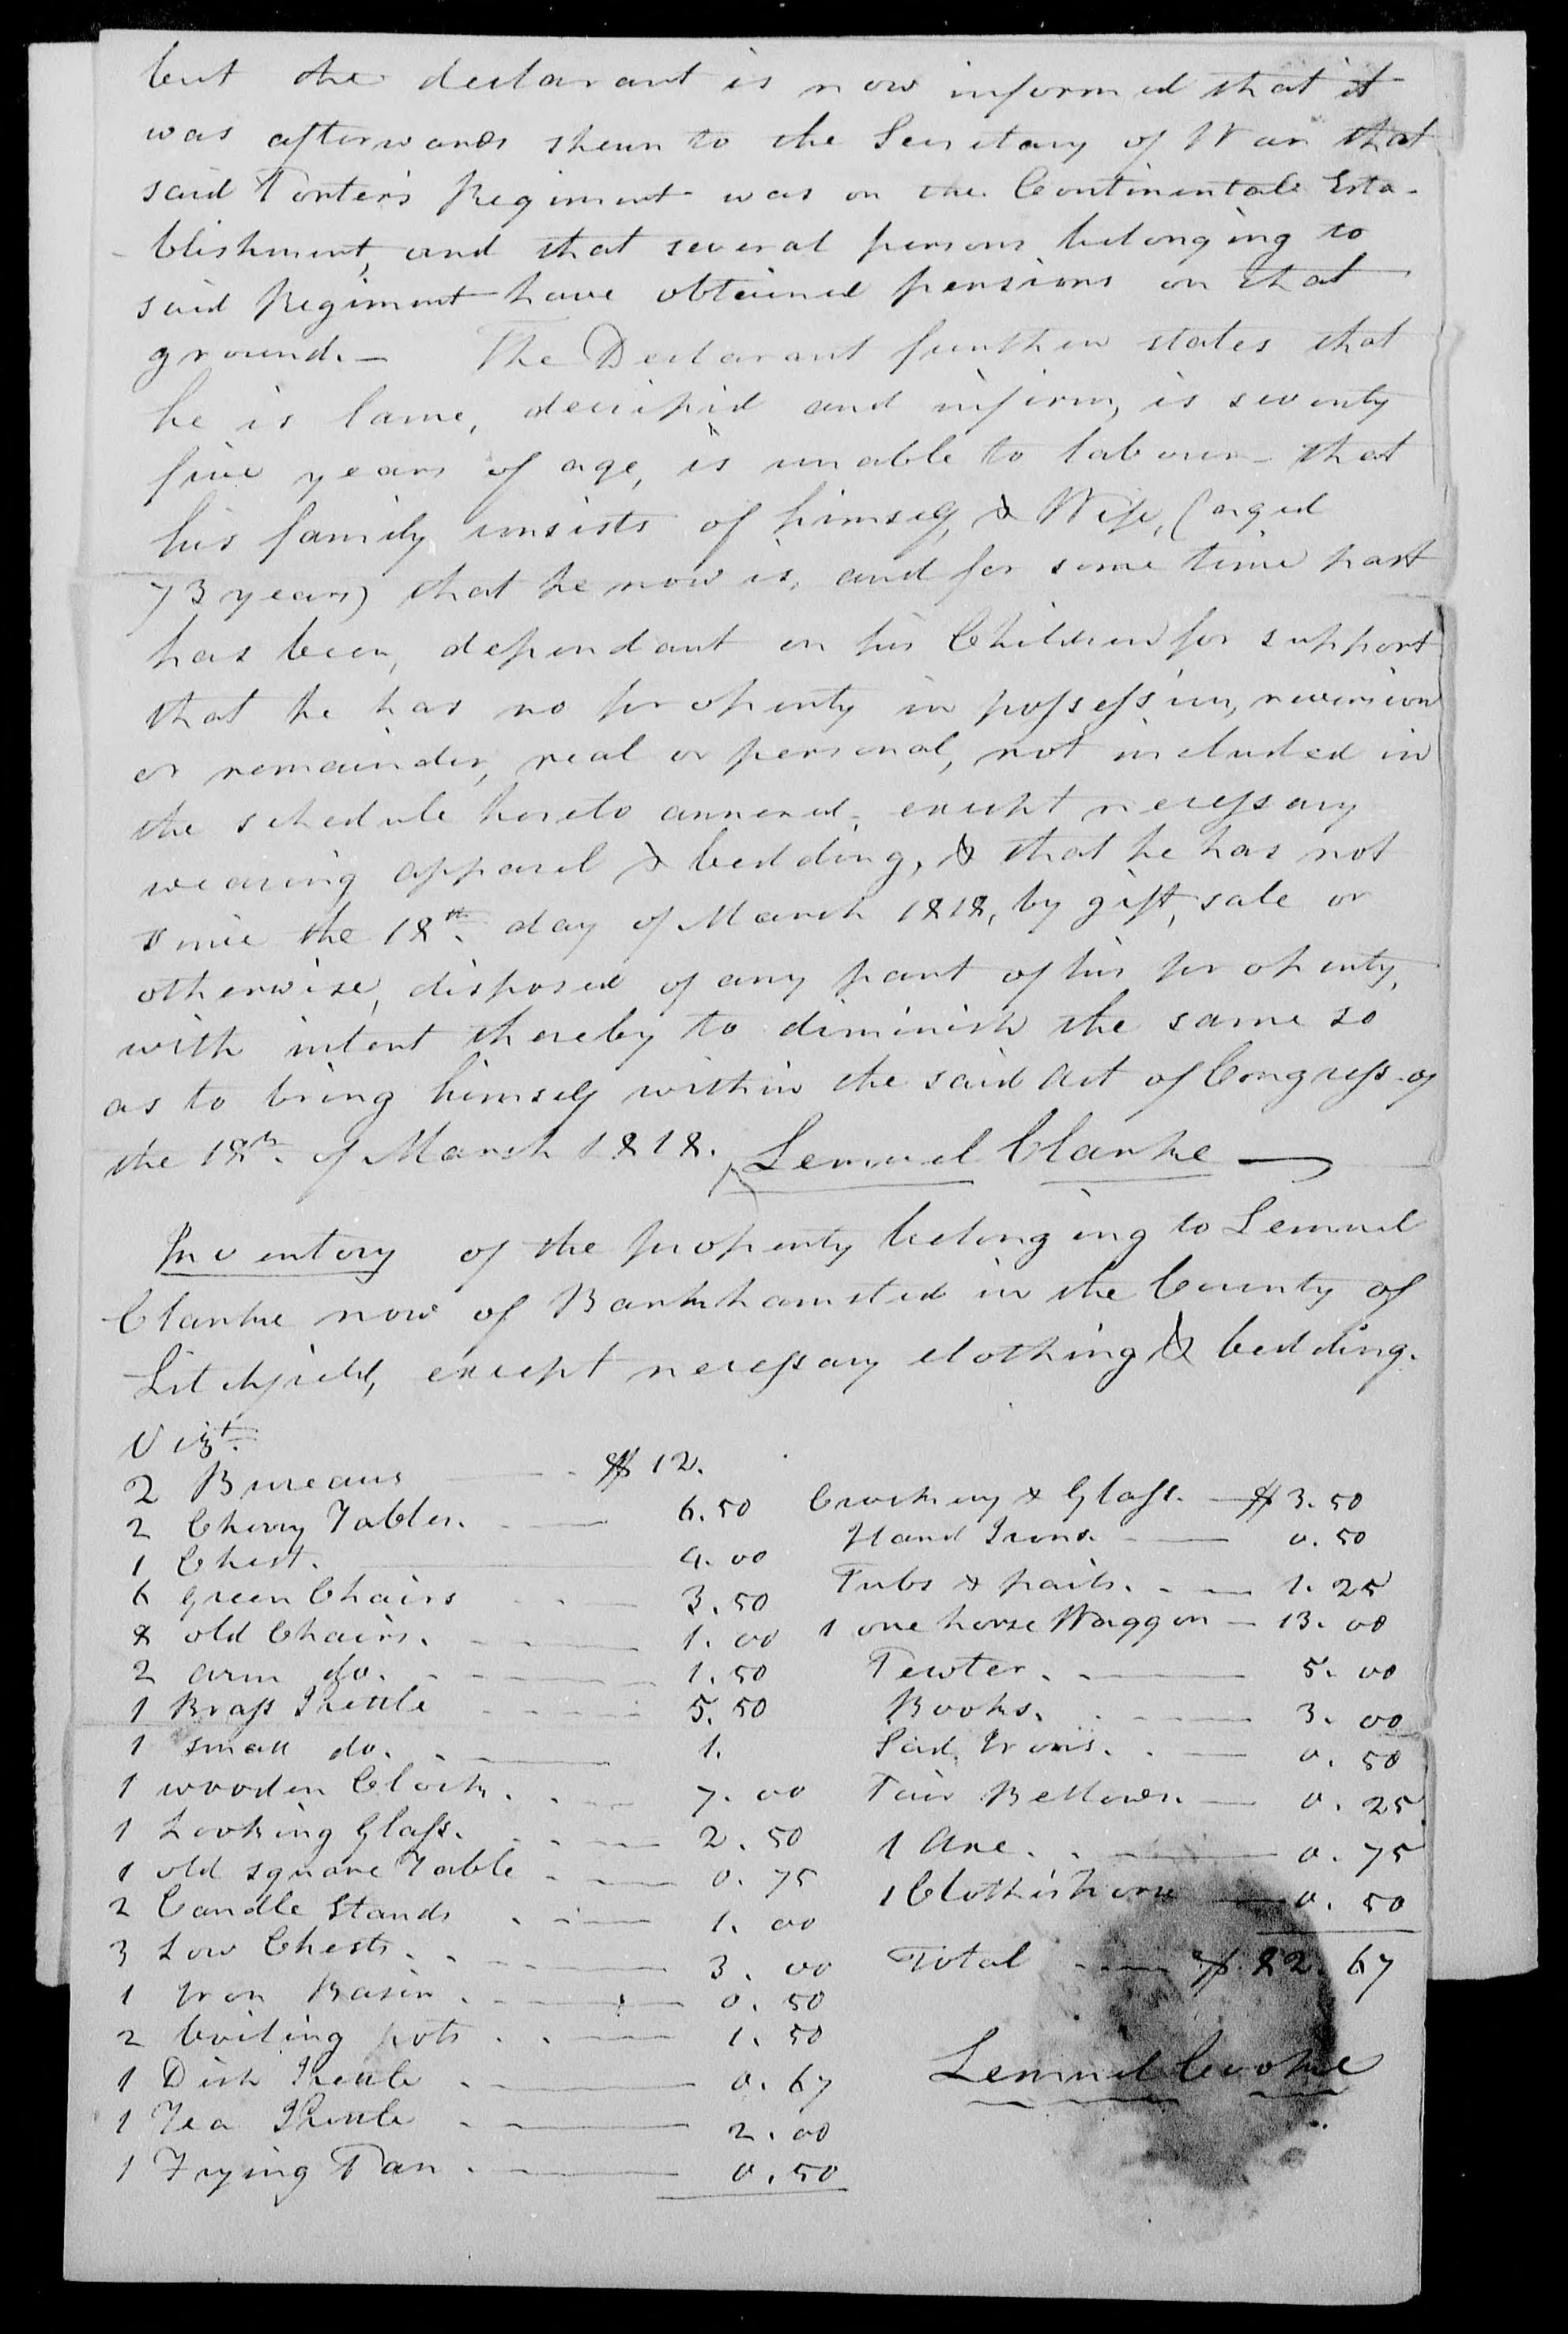but the declarant is now informed that it was afterwards shown to the Secretary of War that said Porters Regiment was on the Continental establishment, and that several persons belonging to said Regiment have obtained pensions on that ground. the Declarant further states that he is lame, decrepit and infirm, is seventy five years of age is unable to labour - that his family insists of himself, & Wife, (aged 73 years) that he now is, and for some time past has been dependant on his children for support that he has no property in possession reversion or remainder, real or personal, not included in the schedule hereto annexed except necessary wearing apparel & bedding, & that he has not since the 18th day of March 1818, by gift, sale or otherwise disposed of any part of his property, with intent thereby to diminish the same so as to bring himself within the said act of Congress of the 18th of March 1818, 
Lemuel Clarke 

Inventory of the property belonging to Lemuel Clark now of Barkhamsted in the County of Litchfield, except necessary clothing & bedding Viz 
2 Bureau --- $12. 
2 Cherry Tables --- 6.50 
1 Chest.--- 4. 00 
6 green chairs --- 3.50
8 old chairs --- 1.00
1 arm do.[ditto]  --- 1.50
1 Brass Kettle --- 5.50
1 small do --- 1.
1 Wooden Clock --- 7.00
1 Looking Glass --- 2.50
1 old square table --- 0.75
2 Candle Stands --- 1.00
3 Low Chests --- 3.00
1 Iron Basin --- 0.50
2 boiling pots --- 1.50
1 Dish Kettle --- 0.67
1 Tea Kettle --- 2.00
1 Frying Pan --- 0.50
Crockery & Glass --- $3.50
Hand Irons --- 0.50
Tubs & pails --- 1.25
1 one horse Waggon --- 13.00
Pewter --- 5.00
Books --- 3.00
Pair Irons --- 0.50
Pair Bellow --- 0.25
1 Axe --- 0.76
1 Clothes horse --- 0.50
----
Total --- $ 22.67
Lemule Clarke



. 50 Green Chairs & old Chairs 3.50 Tubs & parts,-- 125 --- of 1 one horse Waggon - 13. 00 2 Arm do.-- 1 Brass Kettle 1.50 Pewter 5.00 --- 5.50 Books -- 1 Small do 1. 3.00 1 wooden clock. said Irons ---- 6.50 1 Looking Glass 7.00 thir Bettown- 25 ┃ old square Table --- 2,50 1 One Candle stands O. 75 --- Low Chests to Clothes 75 ┃ & - 3. 00 Potal Van Buren----- 6.50 67 2 briling pots-- 150 of Dish at 1 Yea Theateat   1 Frying to an - 0.67 .50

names: Lemuel Clarke, Lemuel Clarke, Lemuel Cooke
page: 4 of 48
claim: survivor's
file: S. 17343, Lemuel Clarke, Mass.